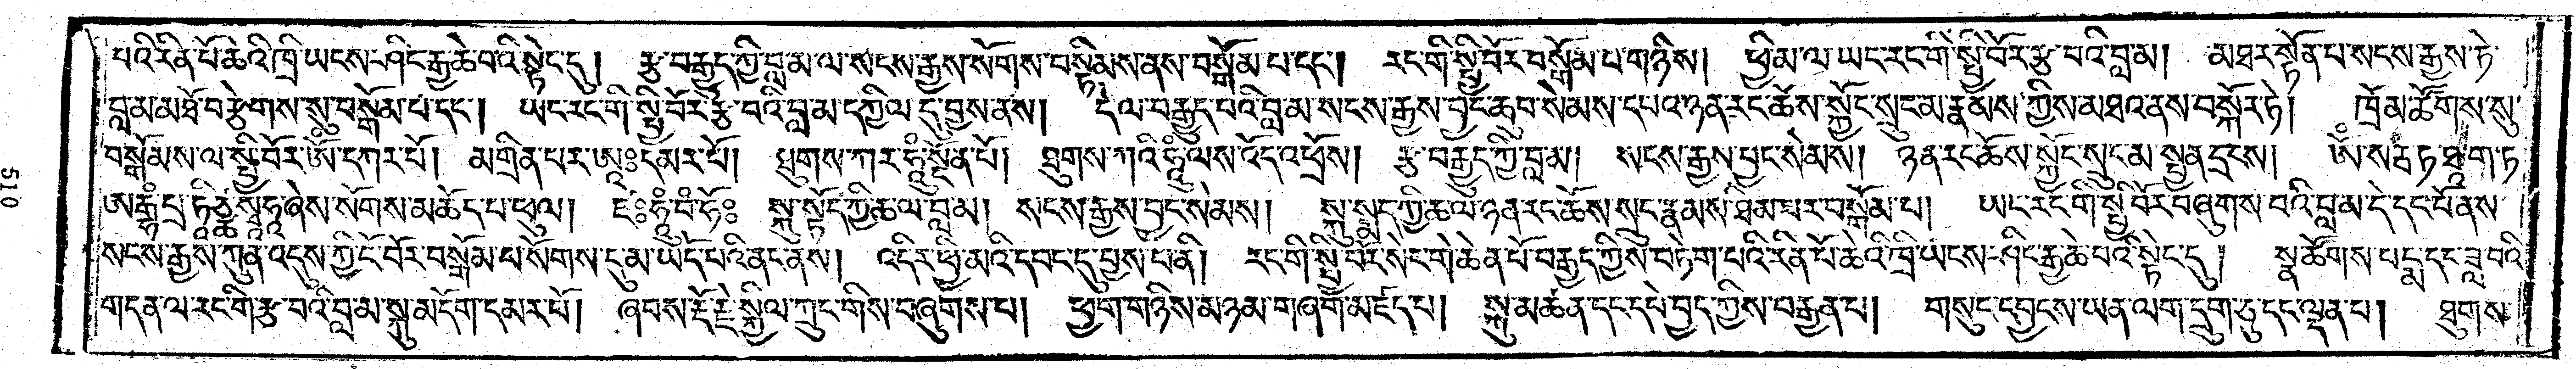པའི་རིན་པོ་ཆེའི་ཁྲི་ཡངས་ཤིང་རྒྱ་ཆེ་བའི་སྟེང་དུ། རྩ་བརྒྱུད་ཀྱི་བླ་མ་ལ་སངས་རྒྱས་སོགས་བསྟིམས་ནས་བསྒོམ་པ་དང་། རང་གི་སྤྱི་བོར་བསྒོམ་པ་གཉིས། ཕྱི་མ་ལ་ཡང་རང་གི་སྤྱི་བོར་རྩ་བའི་བླ་མ། མཐར་སྟོན་པ་སངས་རྒྱས་ཏེ་
བླ་མ་མཐོ་བརྩེགས་སུ་བསྒོམ་པ་དང་། ཡང་རང་གི་སྤྱི་བོར་རྩ་བའི་བླ་མ་དཀྱིལ་དུ་བྱས་ནས། དེ་ལ་བརྒྱུད་པའི་བླ་མ་སངས་རྒྱས་བྱང་ཆུབ་སེམས་དཔའ་ཉན་རང་ཆོས་སྐྱོང་སྲུང་མ་རྣམས་ཀྱིས་མཐའ་ནས་བསྐོར་ཏེ། ཁྲོམ་ཚོགས་སུ་
བསྒོམས་ལ་སྤྱི་བོར་ཨོཾ་དཀར་པོ། མགྲིན་པར་ཨཱཿ དམར་པོ། ཐུགས་ཀར་ཧཱུཾ་སྔོན་པོ། ཐུགས་ཀའི་ཧཱུཾ་ལས་འོད་འཕྲོས། རྩ་བརྒྱུད་ཀྱི་བླ་མ། སངས་རྒྱས་བྱང་སེམས། ཉན་རང་ཆོས་སྐྱོང་སྲུང་མ་སྤྱན་དྲངས། ཨོཾ་སརྦ་ཏ་ཐཱ་ག་ཏ་
ཨརྒྷཾ་པྲ་ཏཱིཙྪ་སྭཱ་ཧཱ་ཞེས་སོགས་མཆོད་པ་ཕུལ། ཛཿ ཧཱུཾ་བཾ་ཧོཿ སྐུ་སྟོད་ཀྱི་ཆ་ལ་བླ་མ། སངས་རྒྱས་བྱང་སེམས། སྐུ་སྨད་ཀྱི་ཆ་ལ་ཉན་རང་ཆོས་སྲུང་རྣམས་ཐིམ་པར་བསྒོམ་པ། ཡང་རང་གི་སྤྱི་བོར་བཞུགས་པའི་བླ་མ་དེ་དང་པོ་ནས་
སངས་རྒྱས་ཀུན་འདུས་ཀྱི་ངོ་བོར་བསྒོམ་པ་སོགས་དུ་མ་ཡོད་པའི་ནང་ནས། འདིར་ཕྱི་མའི་དབང་དུ་བྱས་པ་ནི། རང་གི་སྤྱི་བོར་སེང་གེ་ཆེན་པོ་བརྒྱད་ཀྱིས་བཏེག་པའི་རིན་པོ་ཆེའི་ཁྲི་ཡངས་ཤིང་རྒྱ་ཆེ་བའི་སྟེང་དུ། སྣ་ཚོགས་པདམ་དང་ཟླ་བའི་
གདན་ལ་རང་གི་རྩ་བའི་བླ་མ་སྐུ་མདོག་དམར་པོ། ཞབས་རྡོ་རྗེ་སྐྱིལ་ཀྲུང་གིས་བཞུགས་པ། ཕྱག་གཉིས་མཉམ་གཞག་མཛད་པ། སྐུ་མཚན་དང་དཔེ་བྱད་ཀྱིས་བརྒྱན་པ། གསུང་དབྱངས་ཡན་ལག་དྲུག་ཅུ་དང་ལྡན་པ། ཐུགས་